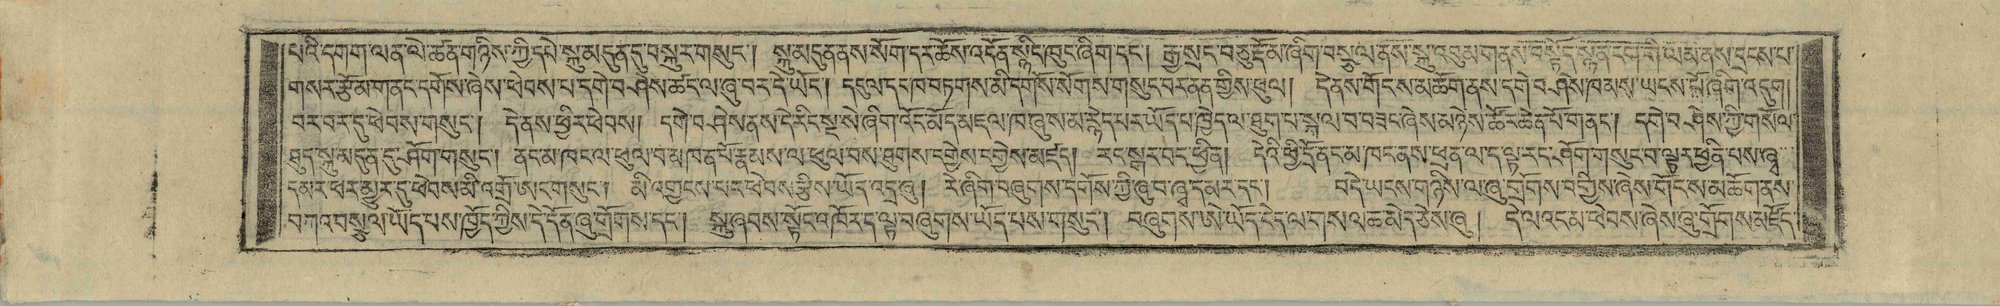པའི་དགག་ལན་ལེ་ཚན་གཉིས་ཀྱི་དཔེ་སྐུ་མདུན་དུ་བསྐུར་གསུང་། སྐུ་མདུན་ནས་སོག་དར་ཆོས་འདོན་སྙིང་ཁུང་ཞིག་དང་། རྒྱ་སྲང་བཅུ་རྡོ་མ་ཞིག་བསྩལ་ནས་སྐུ་འབུམ་གནས་བསྟོད་སྙན་ངག་གི་ལམ་ནས་དྲངས་པ་
གསར་རྩོམ་གནང་དགོས་ཞེས་ཕེབས་པ་དགེ་བཤེས་ཚང་ལ་ཞུ་བར་དེ་ཡོད། དངུལ་དང་ཁ་བཏགས་མི་དགོས་སོགས་གསུང་བར་ནན་གྱིས་ཕུལ། དེ་ནས་གོང་ས་མཆོག་ནས་དགེ་བཤེས་ཁམས་ཡངས་པོ་ཞིག་འདུག །
བར་བར་དུ་ཕེབས་གསུང་། དེ་ནས་ཕྱིར་ཕེབས། དགེ་བཤེས་ནས་དེ་རིང་སྔ་སེ་ཞིག་འོང་མོད་མཇལ་ཁ་ཞུ་ས་མ་རྙེད་པར་ཡོད་པ་ཁྱེད་ལ་ཐུག་པ་སྐལ་བ་བཟང་ཞེས་མཉེས་ཚོར་ཆེན་པོ་གནང་། དགེ་བཤེས་ཀྱི་གསོལ་
ཐུད་སྐུ་མདུན་དུ་ཤོག་གསུང་། ནང་མ་ཁང་ལ་ཕུལ་བ་མཁན་པོ་རྣམས་ལ་ཕུལ་བས་ཐུགས་དགྱེས་དགྱེས་མཛད། རང་སྒར་བར་ཕྱིན། དེའི་ཕྱི་དྲོ་ནང་མ་ཁང་ནས་ཕྲན་ལ་ད་ལྟ་རང་ཤོག་གསུང་བ་ལྟར་ཕྱིན་པས་ཞྭ་
དམར་ཕར་མྱུར་དུ་ཕེབས་མི་འགྲོ་ཨང་གསུང་། མི་འགྱངས་པར་ཕེབས་རྩིས་ཡོད་འདྲ་ཞུ། རེ་ཞིག་བཞུགས་དགོས་ཀྱི་ཞུ་བ་ཞྭ་དམར་དང་། བདེ་ཡངས་གཉིས་ལ་ཞུ་གྲོགས་བགྱིས་ཞེས་གོང་ས་མཆོག་ནས་
བཀའ་བསྩལ་ཡོད་པས་ཁྱོད་ཀྱིས་དེ་དོན་ཞུ་གྲོགས་དང་། སྐུ་ཞབས་སྟོང་འཁོར་ད་ལྟ་བཞུགས་ཡོད་པས་གསུང་། བཞུགས་ཨེ་ཡོད་ངེད་ལ་གསལ་ཆ་མེད་ཅེས་ཞུ། དེ་ལའང་མ་ཕེབས་ཞེས་ཞུ་གྲོགས་མཛོད་